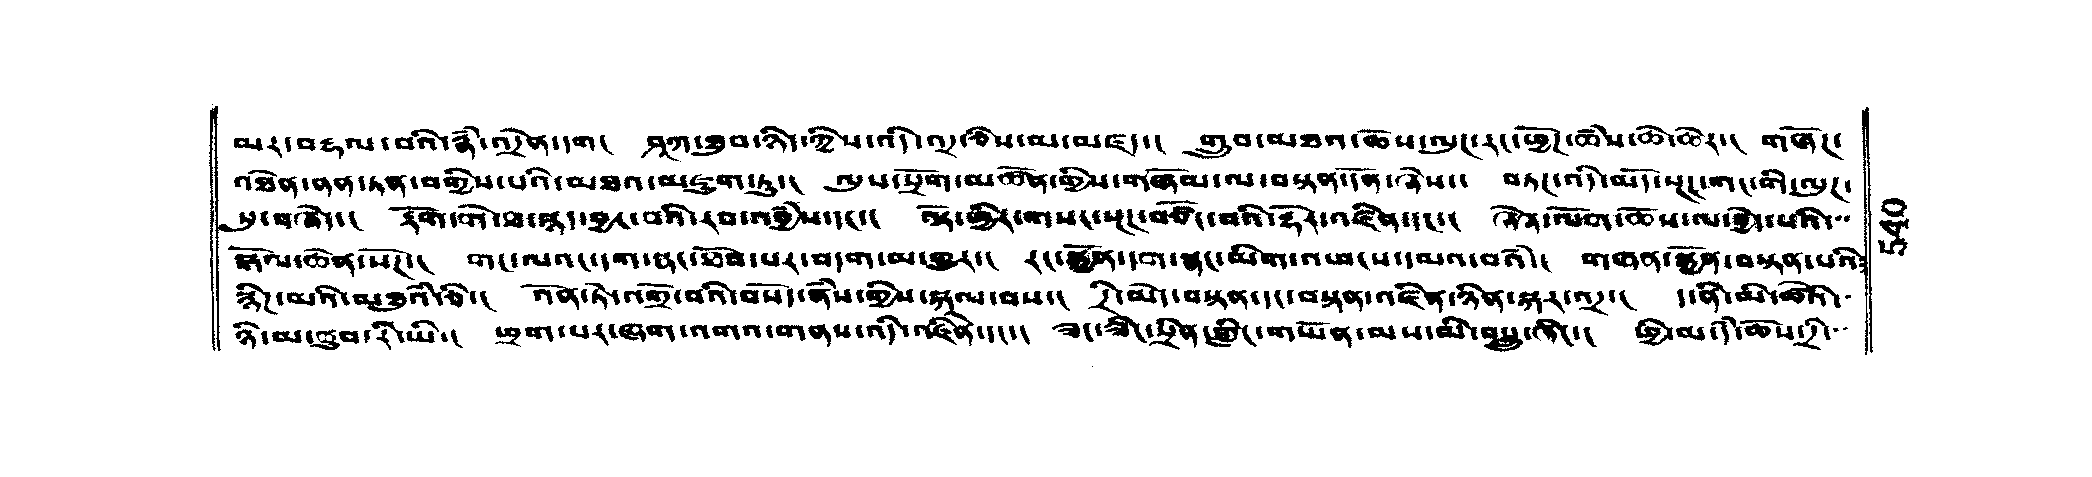མར་བརྡལ་བའི་རྣམ་འདྲེན་དག །ཤཱཀ་ཐུབ་ཉིད་ཀྱིས་འདི་འདྲ་ཅིས་མ་མཛད། །གྲུབ་མཐའ་ཆོས་ལུགས་རང་ཕྱོགས་ཁམས་ཆེ་ཆེར། །གཞོགས་
འཐེན་ནན་ཏན་བགྱིས་པའི་མཐའ་མཇུག་ཏུ། །ལུས་སྲོག་མཚོན་གྱིས་གཞོམ་ལ་བསྟན་དོན་ཞེས། །བཏགས་འདི་མདོ་སྔགས་གང་གི་ལུགས་
སུ་བཞེད། །རྟོག་གེ་ཐ་སྙད་བྱང་བའི་རབ་འབྱམས་དང་། །ལྟོ་ཕྱིར་གསང་སྔགས་བཙོང་བའི་རྡོར་འཛིན་དང་། །ཞེན་ལོག་ཆོས་ལ་བྱེད་པའི་
སྒོམ་ཆེན་སོགས། །གང་ལའང་དག་སྣང་ཐོབ་པར་བདག་མ་གྱུར། །རང་སྐྱོན་དག་སྣང་མིག་འཕངས་དམའ་བའམ། །གཞན་སྐྱོན་བསྟན་པའི་
སྙིགས་མའི་མཐུའམ་ཅི། །འོན་ཏེ་འགྲོ་བའི་བསོད་ནམས་གྱིས་སྐལ་བས། །དྲི་མེད་བསྟན་དང་བསྟན་འཛིན་ཉིན་སྐར་འདྲ། །ད་ནི་མི་ཚེའི་
ཉི་མ་ནུབ་རི་ཡི། །ཕྲག་པར་ཞག་འགའ་གནས་འདི་འཇིག་རྟེན་དང་། །ཟང་ཟིང་སྲིན་གླིང་གཡོན་མས་མི་བསླུ་ཞིང་། །ཕྱི་མ་དམ་ཆོས་དྲི་